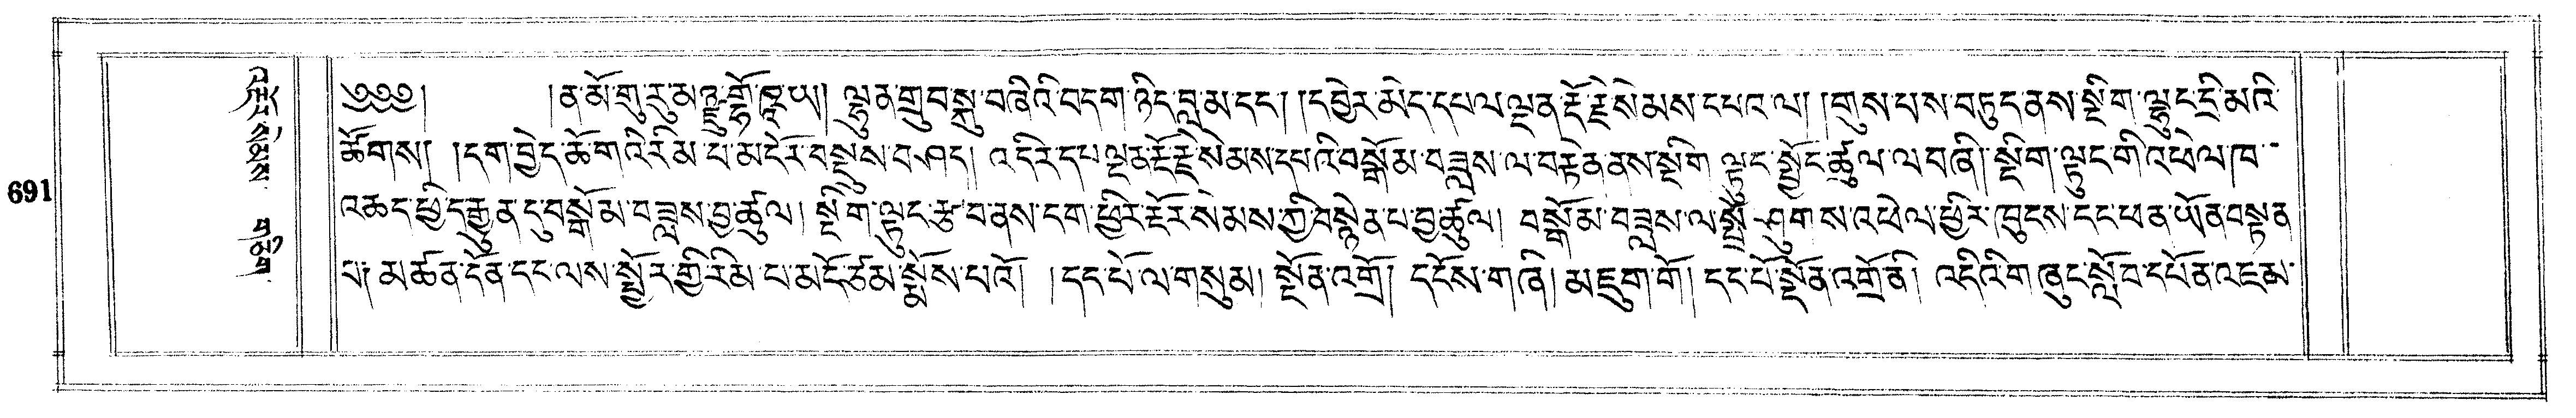༄༅༅། །ན་མོ་གུ་རུ་མཉྫུ་གྷོ་ཥཱ་ཡ། ལྷུན་གྲུབ་སྐུ་བཞིའི་བདག་ཉིད་བླ་མ་དང་། །དབྱེར་མེད་དཔལ་ལྡན་རྡོ་རྗེ་སེམས་དཔའ་ལ། །གུས་པས་བཏུད་ནས་སྡིག་ལྷུང་དྲི་མའི་
ཚོགས། །དག་བྱེད་ཆོ་གའི་རིམ་པ་མདོར་བསྡུས་བཤད། འདིར་དཔལ་ལྡན་རྡོ་རྗེ་སེམས་དཔའི་བསྒོམ་བཟླས་ལ་བརྟེན་ནས་སྡིག་ལྟུང་སྤྱོང་ཚུལ་ལ་བཞི། སྡིག་ལྟུང་གི་འཕེལ་ཁ་
འཆད་ཕྱི་ད་རྒྱུན་དུ་བསྒོམ་བཟླས་བྱ་ཚུལ། སྡིག་ལྟུང་རྩ་བ་ནས་དག་ཕྱིར་རྔོར་སེམས་ཀྱི་བསྙེན་པ་བྱ་ཚུལ། བསྒོམ་བཟླས་ལ་སྤྲོ་ཤུགས་འཕེལ་ཕྱིར་ཁུངས་དང་ཕན་ཡོན་བསྟན་
པ༑ མཚན་དོན་དང་ལས་སྤྱོར་གྱི་རིམ་པ་མདོ་ཙམ་སྨོས་པའོ། །དང་པོ་ལ་གསུམ། སྔོན་འགྲོ། དངོས་གཞི། མཇུག་གོ། དང་པོ་སྔོན་འགྲོ་ནི། འདིའི་གཞུང་སློབ་དཔོན་འཇམ་